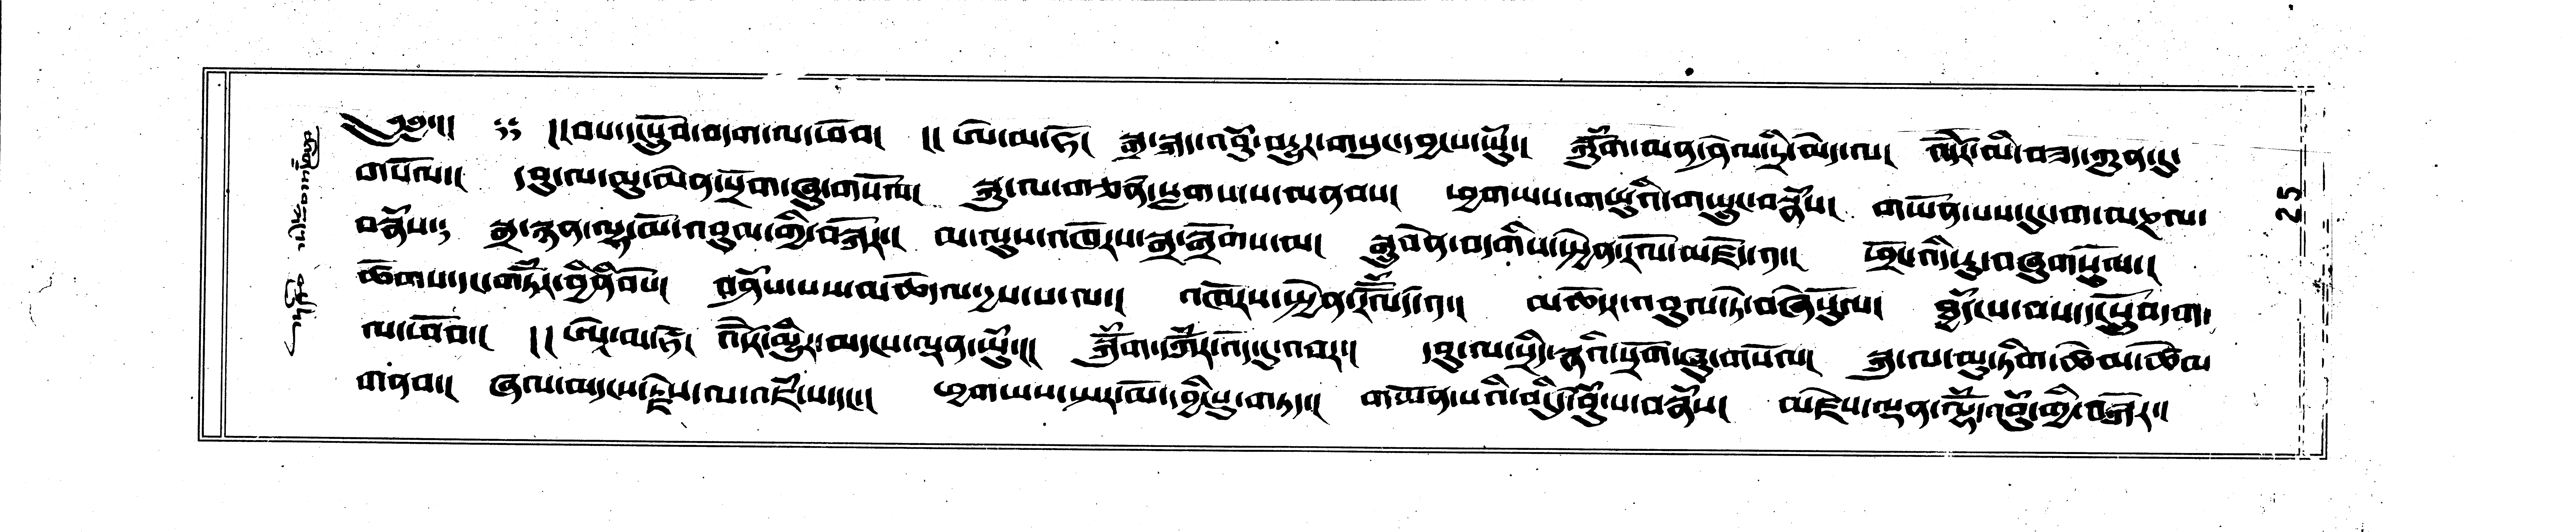བས་དངོས་གྲུབ་བདག་ལ་ཕོབ། །།ཨེ་མ་ཧོ། སྒྲ་སྐད་འབུམ་སྒྱུར་གསུང་དབྱངས་ཡུམ། སྐུ་མདོག་མན་ཤེལ་དྲི་མེད་ལ། འོད་ཟེར་མི་བཟད་ཀུན་ཏུ་
གསོལ། དབུ་ལ་མུ་མེན་པྲོག་ཞུ་གསོལ། སྐུ་ལ་གཅན་གཟན་སླགས་པ་མནབས། ཕྱག་གཡས་གཡུའི་གཡུང་དྲུང་བསྣམས། གཡོན་པས་དུང་གི་མཎྜལ་
བསྣམས། སྒྲ་སྙན་ལྷ་མོ་འབུམ་གྱིས་བསྐོར། མ་ལུས་འཁོར་བཅས་སྒྲ་སྒྲོགས་མ། སྒྲུབ་ཆེན་བདག་གིས་སྤྱན་འདྲེན་རོལ་མཛོད་ཅིག ཕོ་བྲང་འདི་རུ་བཞུགས་སུ་གསོལ།
ཚོགས་དང་གཏོར་མ་བྱིན་གྱིས་རློབས། བཤམས་པས་མཆོད་འབུལ་རྒྱས་པ་ལ། འཁོར་བཅས་སྤྱན་འདྲེན་རོལ་མཛོད་གཅིག མཆོད་པར་འབུལ་ཏེ་བཞེས་སུ་གསོལ། ཐུགས་དམ་བསྐངས་བས་དངོས་གྲུབ་བདག་
ལ་ཕོབ། །།ཨེ་མ་ཧོ། འོད་ཟེར་མི་འགྱུར་མདངས་ལྡན་ཡུམ། སྐུ་མདོག་དཀར་མོ་འོད་དུ་འབར། དབུ་ལ་སྲིད་སྣའི་པྲོག་ཞུ་གསོལ། སྐུ་ལ་མུ་ཏིག་ཚེམ་ཚེམ་
མནབས། ཞལ་མདངས་རྗེས་༼བརྗིད༽ལ་འཇམ་པ་དང་། ཕྱག་གཡས་སྤར་མོ་དབྱིངས་སུ་གཏད། གཡོན་པས་བདུད་རྩི་བུམ་པ་བསྣམས། མཛེས་ལྡན་ལྷ་མོ་འབུམ་གྱིས་བསྐོར།